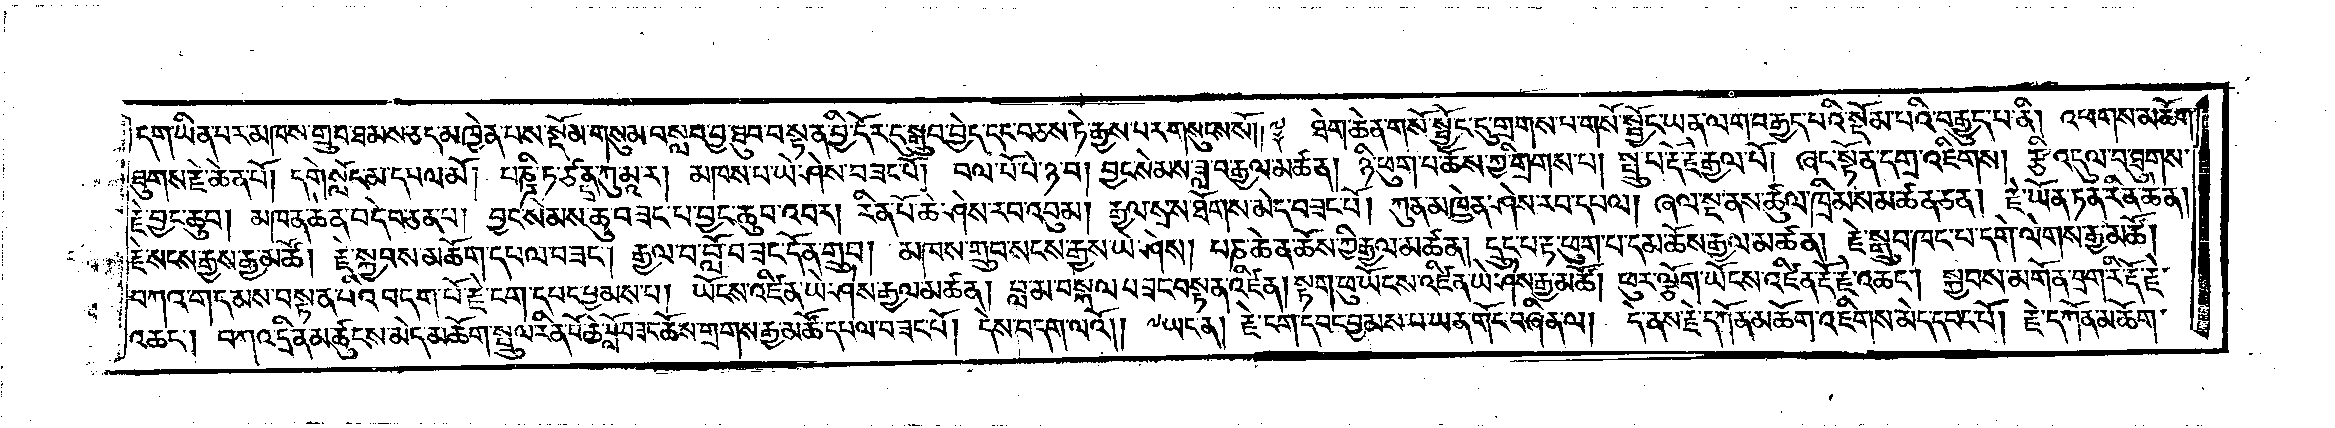དག་ཡིན་པར་མཁས་གྲུབ་ཐམས་ཅད་མཁྱེན་པས་སྡོམ་གསུམ་བསླབ་བྱ་ཐུབ་བ་སྟན་བྱི་དོར་དུ་སྒྲུབ་བྱེད་དང་བཅས་ཏེ་རྒྱས་པར་གསུངས་སོ།། འ་ཐེག་ཆེན་གསོ་སྦྱོང་དུ་གྲགས་པ་གསོ་སྦྱོང་ཡན་ལག་བརྒྱད་པའི་སྡོམ་པའི་བརྒྱུད་པ་ནི། འཕགས་མཆོག་
ཐུགས་རྗེ་ཆེན་པོ། དགེ་སློང་མ་དཔལ་མོ། པཎྜི་ཏ་ཙནྡྲ་ཀུ་མཱ་ར། མཁས་པ་ཡེ་ཤེས་བཟང་པོ། བལ་པོ་པེ་ཉ་བ། བྱང་སེམས་ཟླ་བ་རྒྱལ་མཚན། ཉི་ཕུག་པ་ཆོས་ཀྱི་གྲགས་པ། སྤྲུ་པ་རྡོ་རྗེ་རྒྱལ་པོ། ཞང་སྟོན་དགྲ་འཇིགས། རྩི་འདུལ་བ་ཐུགས་
རྗེ་བྱང་ཆུབ། མཁན་ཆེན་བདེ་བ་ཅན་པ། བྱང་སེམས་ཆུ་བཟང་པ་བྱང་ཆུབ་འབར། རིན་པོ་ཆེ་ཤེས་རབ་འབུམ། རྒྱལ་སྲས་ཐོགས་མེད་བཟང་པོ། ཀུན་མཁྱེན་ཤེས་རབ་དཔལ། ཞལ་སྔ་ནས་ཚུལ་ཁྲིམས་མཚན་ཅན། རྗེ་ཡོན་ཏན་རིན་ཆེན།
རྗེ་སངས་རྒྱས་རྒྱ་མཚོ། རྗེ་སྐྱབས་མཆོག་དཔལ་བཟང་། རྒྱལ་བ་བློ་བཟང་དོན་གྲུབ། མཁས་གྲུབ་སངས་རྒྱས་ཡེ་ཤེས། པཎ་ཆེན་ཆོས་ཀྱི་རྒྱལ་མཚན། དྲུང་པ་རྟ་ཕུག་པ་དམ་ཆོས་རྒྱལ་མཚན། རྗེ་སྒྲུབ་ཁང་པ་དགེ་ལེགས་རྒྱ་མཚོ།
བཀའ་གདམས་བསྟན་པའི་བདག་པོ་རྗེ་ངག་དཔང་བྱམས་པ། ཡོངས་འཛིན་ཡེ་ཤེས་རྒྱལ་མཚན། བླ་མ་བསྐལ་བཟང་བསྟན་འཛིན། སྟག་ཕུ་ཡོངས་འཛིན་ཡེ་ཤེས་རྒྱ་མཚོ། ཕུར་ལྕོག་ཡོངས་འཛིན་རྡོ་རྗེ་འཆང་། སྐྱབས་མགོན་བྲག་རི་རྡོ་རྗེ་
འཆང་། བཀའ་དྲིན་མཚུངས་མེད་མཆོག་སྤྲུལ་རིན་པོ་ཆེ་བློ་བཟང་ཆོས་གྲགས་རྒྱ་མཚོ་དཔལ་བཟང་པོ། དེས་བདག་ལའོ།། ༧ཡང་ན། རྗེ་ངག་དབང་བྱམས་པ་ཡན་གོང་བཞིན་ལ། དེ་ནས་རྗེ་དཀོན་མཆོག་འཇིགས་མེད་དབང་པོ། རྗེ་དཀོན་མཆོག་